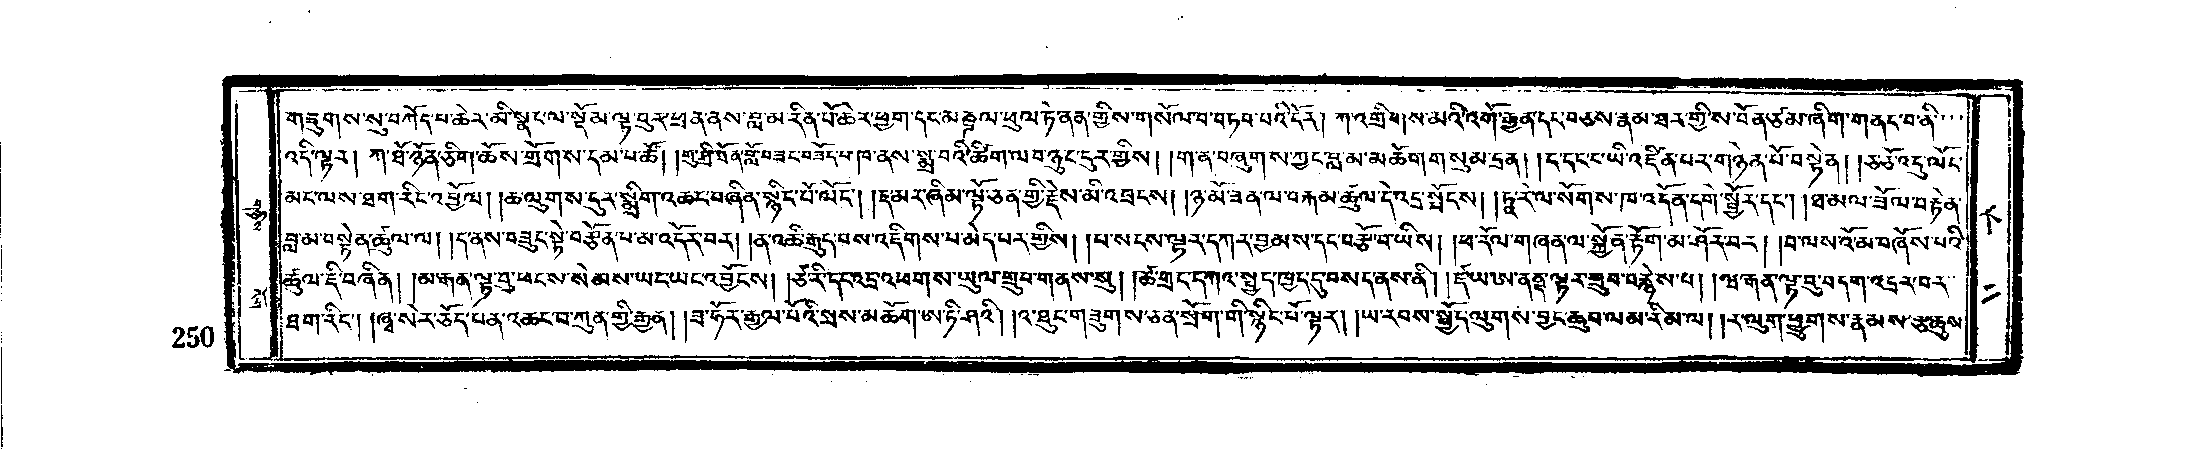གཟུགས་སུ་བཀོད་པ་ཆེར་མི་སྣང་ལ་སྡོམ་ལྟ་བུར་ཕྲན་ནས་བླ་མ་རིན་པོ་ཆེར་ཕྱག་དང་མཎྜལ་ཕུལ་ཏེ་ནན་གྱིས་གསོལ་བ་བཏབ་པའི་ངོར། ཀ་འགྲིགས་མའི་འགོ་རྒྱན་དང་བཅས་རྣམ་ཐར་གྱི་ས་བོན་ཙམ་ཞིག་གནང་བ་ནི་
འདི་ལྟར། ཀ་ཐོ་ཉོན་ཅིག་ཆོས་གྲོགས་དམ་པ་ཚོ། །གུ་ཤྲི་ཐོན་བློ་བཟང་བཟོད་པ་ཁ་ནས་སྨྲ་བའི་ཚིག་ལབ་ཉུང་དུར་གྱིས། །ག་ན་བཞུགས་ཀྱང་བླ་མ་མཆོག་གསུམ་དྲན། །ད་དང་ང་ཡི་འཛིན་པར་གཉེན་པོ་བསྟེན། །ཅ་ཅོ་འདུ་ལོང་
མང་ལས་ཐག་རིང་འབྱོལ། །ཆ་ལུགས་དུར་སྨྲིག་འཆང་བཞིན་སྙིང་པོ་ལོང་། །ཇ་མར་ཞིམ་ལྟོ་ཅན་གྱི་རྗེས་མི་འབྲངས། །ཉ་མོ་ཟན་ལ་བརྐམ་ཚུལ་དེ་འདྲ་སྤོངས། །ཏཱ་རེ་ལ་སོགས་ཁ་འདོན་དགེ་སྦྱོར་དང་། །ཐ་མལ་ཟོལ་བརྟེན་
བླ་མ་བསྟེན་ཚུལ་ལ། །ད་ནས་བཟུང་སྟེ་བརྩོན་པ་མ་འདོར་བར། །ན་འཆི་རྒུད་པས་འཇིགས་པ་མེད་པར་གྱིས། །པ་སངས་ལྟར་དཀར་བྱམས་དང་བརྩོ་བ་ཡིས། །ཕ་རོལ་གཞན་ལ་སྐྱོན་རྟོག་མ་ཤོར་བར། །བ་ལས་འོ་མ་བཞོས་པའི་
ཚུལ་ཇི་བཞིན། །མ་རྒན་ལྟ་བུ་ཕངས་སེམས་ཡང་ཡང་འབྱོངས། །ཙ་རི་དང་འདྲ་འཕགས་ཡུལ་གྲུབ་གནས་སུ། །ཚ་གྲང་དཀའ་སྤྱད་ཁྱད་དུ་བསད་ནས་ནི། །ཛ་ཡ་ཨ་ནནྡ་ལྟར་གྲུབ་བརྙེས་པ། །ཝ་Qརྒན་ལྟ་བུ་བདག་འདྲར་བར་
ཐག་རིང་། །ཞྭ་སེར་ཅོད་པན་འཆང་བ་ཀུན་གྱི་རྒྱན། །ཟ་ཧོར་རྒྱལ་པོའི་སྲས་མཆོག་ཨ་ཏི་ཤའི། །འ་ཐུང་གཟུགས་ཅན་སྲོག་གི་སྙིང་པོ་ལྟར། །ཡ་རབས་སྤྱོད་ལུགས་བྱང་ཆུབ་ལམ་རིམ་ལ། །ར་ལུག་ཕྱུགས་རྣམས་རྩ་ཆུས་